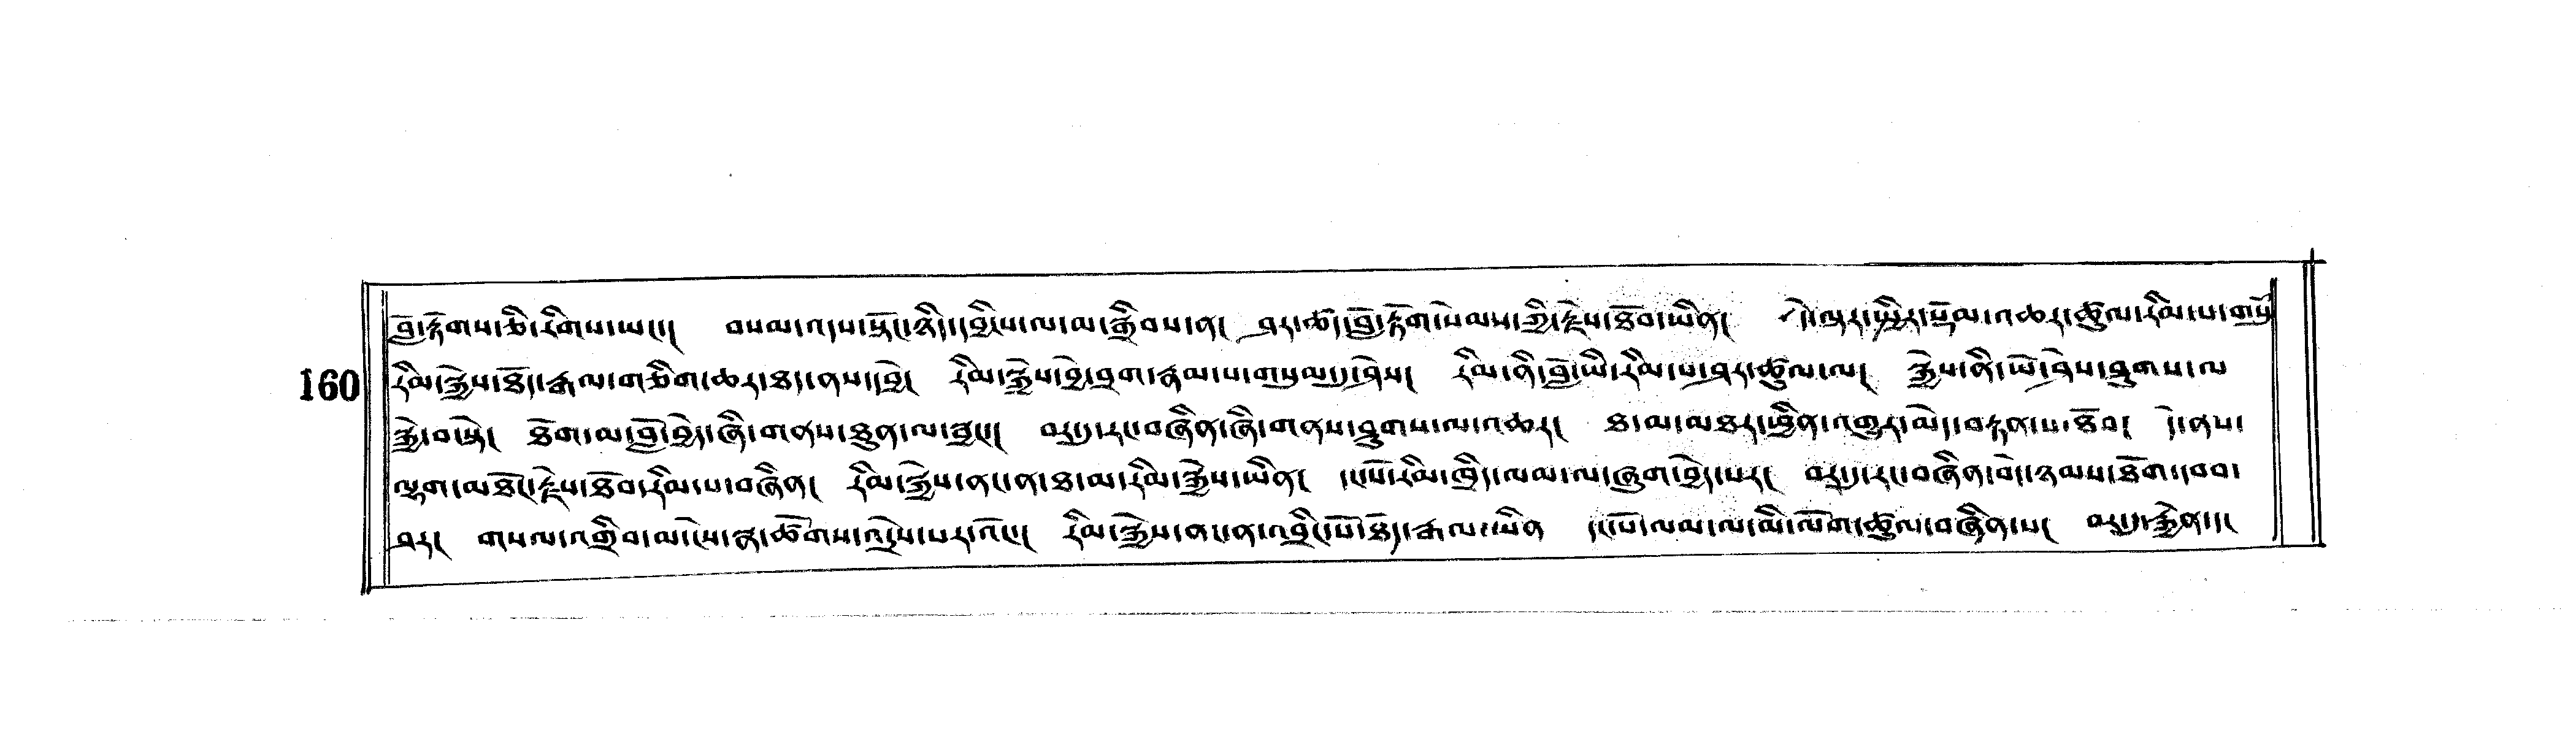བློ་རྟོག་ཅི་རིགས་ཡང་། བསམ་འདས་སྟོང་ཉིད་དབྱིངས་ལ་མ་བསྒྲིབས་ན། ཤར་ཚད་བློ་རྟོག་སེམས་ཀྱི་རྗེས་ཐོབ་ཡིན། ༧ དེ་ལྟར་སྤྱིར་སྡོམ་འཆར་ཚུལ་རིམ་པ་གསུམ། 
རིམ་སྐྱེས་ཐོད་རྒལ་ཅིག་ཆར་ཐད་ནས་དབྱེ། རིམ་སྐྱེས་བྱེ་བྲག་རྣམ་པ་གསུམ་དུ་ཤེས། རིམ་ནི་བློ་ཡི་རིམ་པ་ཤར་ཚུལ་ལ། སྐྱེས་ནི་ཡེ་ཤེས་ཤུགས་ལ་
སྐྱེ་བ་སྟེ། ཐོག་མ་བློ་བྱེད་ཞི་གནས་ཐུན་ལ་སྦྱང་། བར་དུ་རང་བཞིན་ཞི་གནས་ཤུགས་ལ་འཆར། ཐ་མ་མཐར་ཕྱིན་འགྱུར་མེད་བརྟན་པ་ཐོབ། དེ་ནས་
ལྷག་མཐོང་རྗེས་ཐོབ་རིམ་པ་བཞིན། རིམ་སྐྱེས་ནང་ནས་ཐ་མ་རིམ་སྐྱེས་ཡིན། དང་པོ་རིམ་ཁྲིད་ལམ་ལ་ཞུགས་བྱེད་པར། བར་དུ་རང་བཞིན་བདེ་ཉམས་ཐོག་བབས་
ཤར། གསལ་འགྲིབ་མ་ངེས་སྣ་ཚོགས་འདྲེས་པར་འོང་། རིམ་སྐྱེས་ནང་ན་འབྲིང་པོ་ཐོད་རྒལ་ཡིན། དང་པོ་ལམ་ལ་མི་ལོག་ཚུལ་བཞིན་པ། བར་དུ་རྐྱེན་དང་